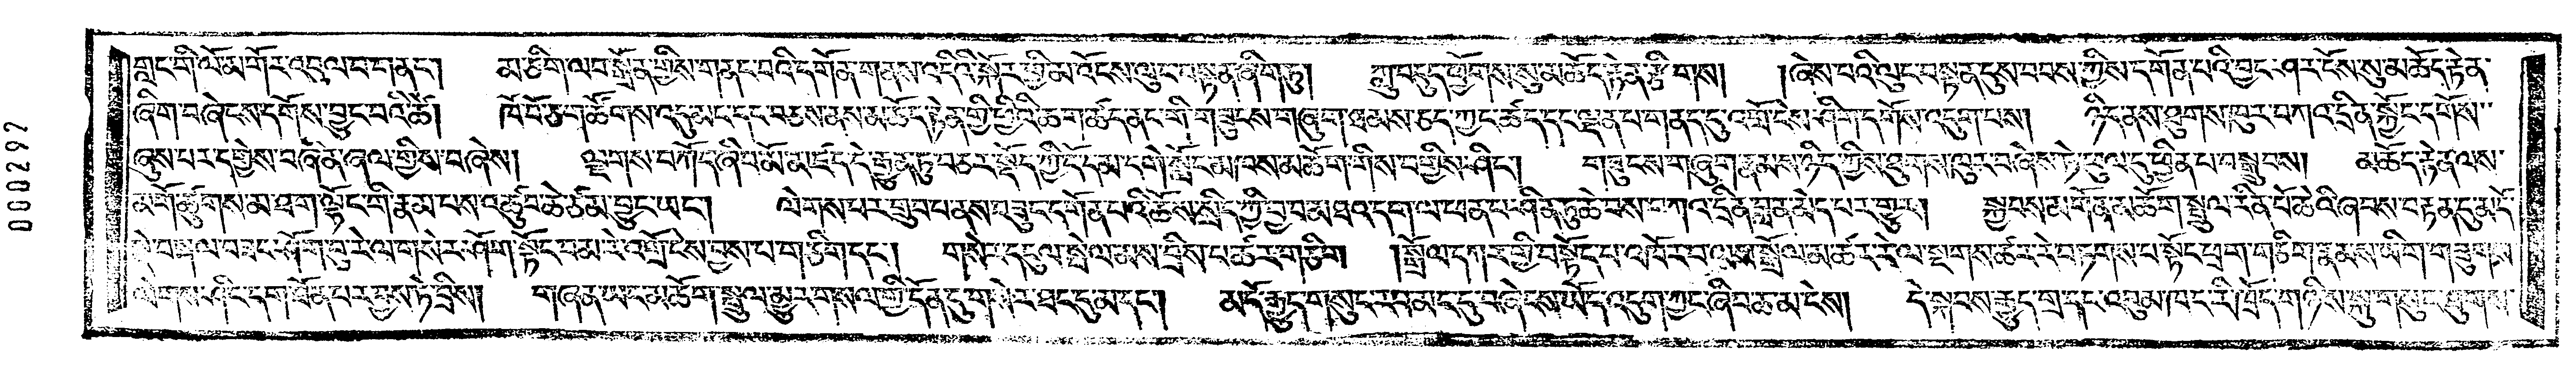ཀླང་གི་ལོ་མགོར་འབུལ་བ་གནང་། མ་ཅིག་ལབ་སྒྲོན་གྱིས་གནང་བའི་དགོན་གནས་འདིའི་སྐོར་གྱི་མ་འོངས་ལུང་བསྟན་ཞིག་ཏུ། ཀླུ་བདུད་ཕྱོགས་སུ་མཆོད་རྟེན་རྩིགས། །ཞེས་པའི་ལུང་བསྟན་དུས་བབས་ཀྱིས་དགོན་པའི་བྱང་ཤར་ངོས་སུ་མཆོད་རྟེན་
ཞིག་བཞེངས་དགོས་བྱུང་བའི་ཚེ། ཁོ་བོ་ཅག་ཚོགས་འདུ་མང་དང་བཅས་ནས་མཆོད་རྟེན་གྱི་ཕྱིའི་ཆག་ཚད་ནང་གི་གཟུངས་གཞུག་ཐམས་ཅད་ཀྱང་ཚད་དང་ལྡན་པ་གནད་དུ་འགྲོ་ངེས་ཤིག་དགོས་འདུག་པས། ཉིད་ནས་ཐུགས་ཁུར་བཀའ་བྲིན་སྐྱོང་དགོས་
ཞུས་པར་དགྱེས་བཞིན་ཞལ་གྱིས་བཞེས། ལྔགས་བཀོད་ཞིབ་མོ་མཛད་དེ་རྒྱུན་ཏུ་བཅར་སྡོད་ཀྱི་དོ་དམ་དགེ་སློང་མཁས་མཆོག་གིས་བགྱིས་ཤིང་། གཟུངས་གཞུག་རྣམས་ཉིད་ཀྱིས་ཐུགས་ཁུར་བཞེས་ཏེ་ཕུལ་དུ་ཕྱིན་པ་བསྒྲུབས། མཆོད་རྟེན་ལས་
མགོ་ཚུགས་མ་ཐག་ལྷོང་གི་རྣམ་པས་འཚུབ་ཆེ་ཙམ་བྱུང་ཡང་། ལེགས་པར་གྲུབ་པ་ནས་བཟུང་དགོན་པའི་ཆོས་སྲིད་ཀྱི་བྱ་བ་མཐའ་དག་ལ་ཕན་པ་ཤིན་ཏུ་ཆེ་བས་བཀའ་དྲིན་བླ་ན་མེད་པར་གྱུར། སྐྱབས་མགོན་མཆོག་སྦྲུལ་རིན་པོ་ཆེའི་ཞབས་བརྟན་དུ་མདོ་
སྡེ་བསྐལ་བཟང་ཤོག་བུ་རེ་ལ་གསེར་ཤོག་སྟོང་བམ་རེ་འགྲོ་ངེས་བྱས་པ་གཅིག་དང་། གསེར་དངུལ་སྤེལ་མས་བྲིས་པ་ཚར་གཅིག །སྒྲོལ་དཀར་གྱི་བསྟོད་པ་འཁོར་བ་ལས་སྒྲོལ་མ་ཚར་རེ་ལ་སྔགས་ཚར་རེ་བཏགས་པ་སྟོང་ཕྲག་གཅིག་རྣམས་ཡིག་གཟུགས་
ལེགས་ཤིང་དག་ཐོན་པར་བྱས་ཏེ་བྲིས། གཞན་ཡང་མཆོག་སྤྲུལ་མྱུར་གསལ་གྱི་དོན་དུ་གསེར་ཐང་དུ་མ་དང་། མདོ་རྒྱུད་གསུང་རབ་མང་དུ་བཞེངས་ཡོད་འདུག་ཀྱང་ཞིབ་ཆ་མ་ངེས། དེ་སྐབས་རྒྱུད་གྲ་དང་འབུམ་ཁང་རི་ཁྲོད་གཉིས་སྐུ་གསུང་ཐུགས་